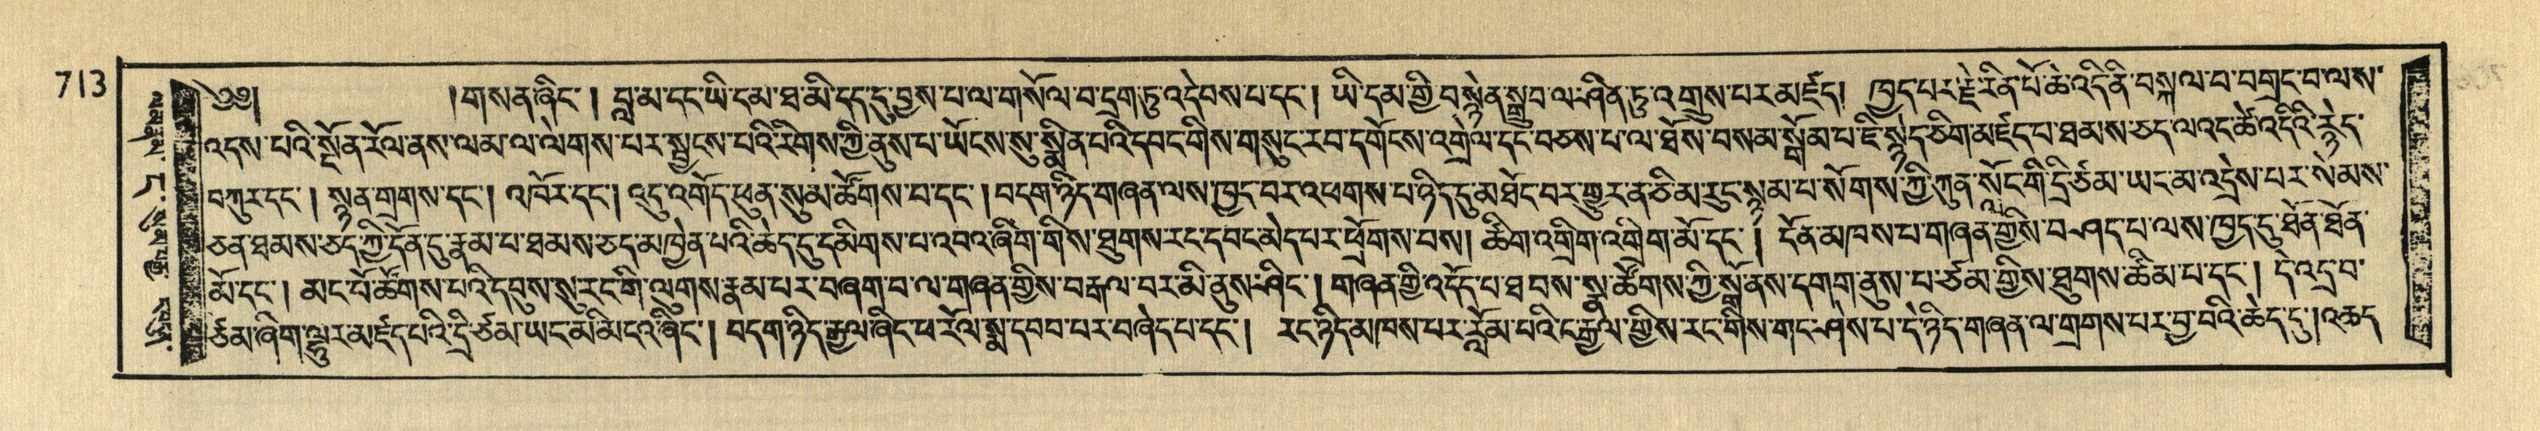༄༅། །གསན་ཞིང་། བླ་མ་དང་ཡི་དམ་ཐ་མི་དད་དུ་བྱས་པ་ལ་གསོལ་བ་དྲག་ཏུ་འདེབས་པ་དང་། ཡི་དམ་གྱི་བསྙེན་སྒྲུབ་ལ་ཤིན་ཏུ་འགྲུས་པར་མཛད། ཁྱད་པར་རྗེ་རིན་པོ་ཆེ་འདི་ནི་བསྐལ་བ་བགྲང་བ་ལས་
འདས་པའི་སྔོན་རོལ་ནས་ལམ་ལ་ལེགས་པར་སྦྱངས་པའི་རིགས་ཀྱི་ནུས་པ་ཡོངས་སུ་སྨིན་པའི་དབང་གིས་གསུང་རབ་དགོངས་འགྲེལ་དང་བཅས་པ་ལ་ཐོས་བསམ་སྒོམ་པ་ཇི་སྙེད་ཅིག་མཛད་པ་ཐམས་ཅད་ལའང་ཚེ་འདིའི་རྙེད་
བཀུར་དང་། སྙན་གྲགས་དང་། འཁོར་དང་། འདུ་འགོད་ཕུན་སུམ་ཚོགས་པ་དང་། བདག་ཉིད་གཞན་ལས་ཁྱད་བར་འཕགས་པ་ཉིད་དུ་མཐོང་བར་གྱུར་ན་ཅི་མ་རུང་སྙམ་པ་སོགས་ཀྱི་ཀུན་སློང་གི་དྲི་ཙམ་ཡང་མ་འདྲེས་པར་སེམས་
ཅན་ཐམས་ཅད་ཀྱི་དོན་དུ་རྣམ་པ་ཐམས་ཅད་མཁྱེན་པའི་ཆེད་དུ་དམིགས་པ་འབའ་ཞིག་གིས་ཐུགས་རང་དབང་མེད་པར་ཕྲོགས་པས། ཚིག་འགྲིག་འགྲིག་མོ་དང་། དོན་མཁས་པ་གཞན་གྱིས་བཤད་པ་ལས་ཁྱད་དུ་ཐོན་ཐོན་
མོ་དང་། མང་པོ་ཚོགས་པའི་དབུས་སུ་རང་གི་ལུགས་རྣམ་པར་བཞག་པ་ལ་གཞན་གྱིས་བརྒལ་བར་མི་ནུས་ཤིང་། གཞན་གྱི་འདོད་པ་ཐབས་སྣ་ཚོགས་ཀྱི་སྒོ་ནས་དགག་ནུས་པ་ཙམ་གྱིས་ཐུགས་ཚིམ་པ་དང་། དེ་འདྲ་བ་
ཙམ་ཞིག་ལྷུར་མཛད་པའི་དྲི་ཙམ་ཡང་མི་མངའ་ཞིང་། བདག་ཉིད་རྒྱལ་ཞིང་ཕ་རོལ་སྨ་དབབ་པར་བཞེད་པ་དང་། རང་ཉིད་མཁས་པར་རློམ་པའི་ང་རྒྱལ་གྱིས་རང་གིས་གང་ཤེས་པ་དེ་ཉིད་གཞན་ལ་གྲགས་པར་བྱ་བའི་ཆེད་དུ། འཆད་